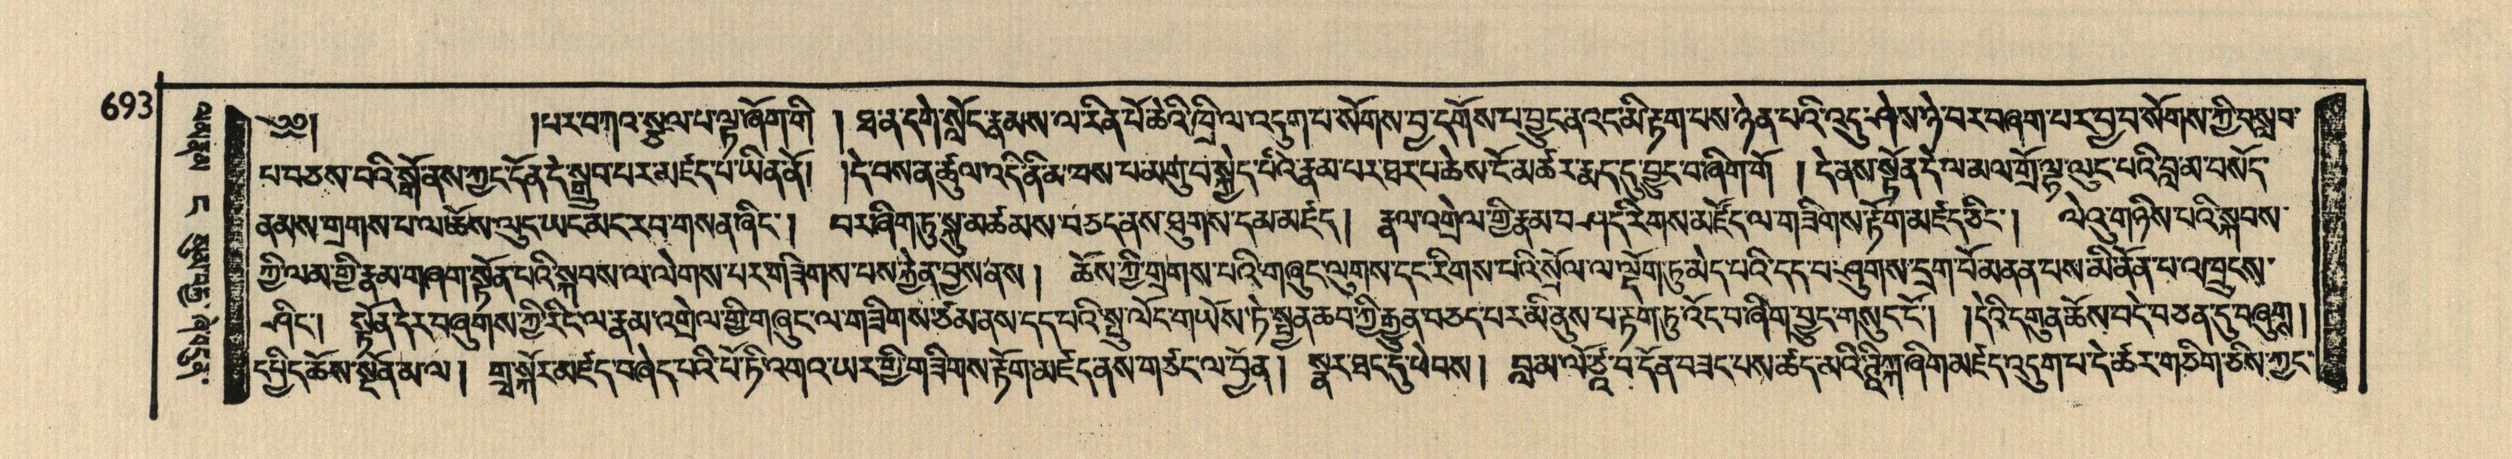༄༅། །པར་བཀའ་སྩལ་པ་ལྟ་ཞོག་གི །ཐ་ན་དགེ་སློང་རྣམས་ལ་རིན་པོ་ཆེའི་ཁྲི་ལ་འདུག་པ་སོགས་བྱ་དགོས་པ་བྱུང་ནའང་མི་རྟག་པས་ཉེན་པའི་འདུ་ཤེས་ཉེ་བར་བཞག་པར་བྱ་བ་སོགས་ཀྱི་བསླབ་
པ་བཅས་པའི་སྒོ་ནས་ཀྱང་དོན་དེ་སྒྲུབ་པར་མཛད་པ་ཡིན་ནོ། །དེ་བས་ན་ཚུལ་འདི་ནི་མཁས་པ་མགུ་བསྐྱེད་པའི་རྣམ་པར་ཐར་པ་ཆེས་ངོ་མཚར་རྨད་དུ་བྱུང་བ་ཞིག་གོ །དེ་ནས་སྟོན་དེ་ལ་མལ་གྲོ་ལྷ་ལུང་པའི་བླ་མ་བསོད་
ནམས་གྲགས་པ་ལ་ཆོས་ལུང་ཡང་མང་རབ་གསན་ཞིང་། བར་ཞིག་ཏུ་སྐུ་མཚམས་བཅད་ནས་ཐུགས་དམ་མཛད། རྣལ་འགྲེལ་གྱི་རྣམ་བཤད་རིགས་མཛོད་ལ་གཟིགས་རྟོག་མཛད་ཅིང་། ལེའུ་གཉིས་པའི་སྐབས་
ཀྱི་ལམ་གྱི་རྣམ་གཞག་སྟོན་པའི་སྐབས་ལ་ལེགས་པར་གཟིགས་པས་རྐྱེན་བྱས་ནས། ཆོས་ཀྱི་གྲགས་པའི་གཞུང་ལུགས་དང་རིགས་པའི་སྲོལ་ལ་ལྡོག་ཏུ་མེད་པའི་དད་པ་ཤུགས་དྲག་པོ་མནན་པས་མི་ནོན་པ་འཁྲུངས་
ཤིང་། སྟོན་དེར་བཞུགས་ཀྱི་རིང་ལ་རྣམ་འགྲེལ་གྱི་གཞུང་ལ་གཟིགས་ཙམ་ནས་དད་པའི་སྤུ་ལོང་གཡོས་ཏེ་སྤྱན་ཆབ་ཀྱི་རྒྱུན་བཅད་པར་མི་ནུས་པ་རྟག་ཏུ་འོང་བ་ཞིག་བྱུང་གསུང་ངོ། །དེའི་དགུན་ཆོས་བདེ་བ་ཅན་དུ་བཞུགས།
དཔྱིད་ཆོས་སྔོན་མ་ལ། གྲྭ་སྐོར་མཛད་བཞེད་པའི་པོ་ཏི་འགའ་ཡར་གྱི་གཟིགས་རྟོག་མཛད་ནས་གཙང་ལ་བྱོན། སྣར་ཐང་དུ་ཕེབས། བླ་མ་ལོ་ཙཱ་བ་དོན་བཟང་པས་ཚད་མའི་ཊཱིཀྐ་ཞིག་མཛད་འདུག་པ་དེ་ཚར་གཅིག་ཅིས་ཀྱང་